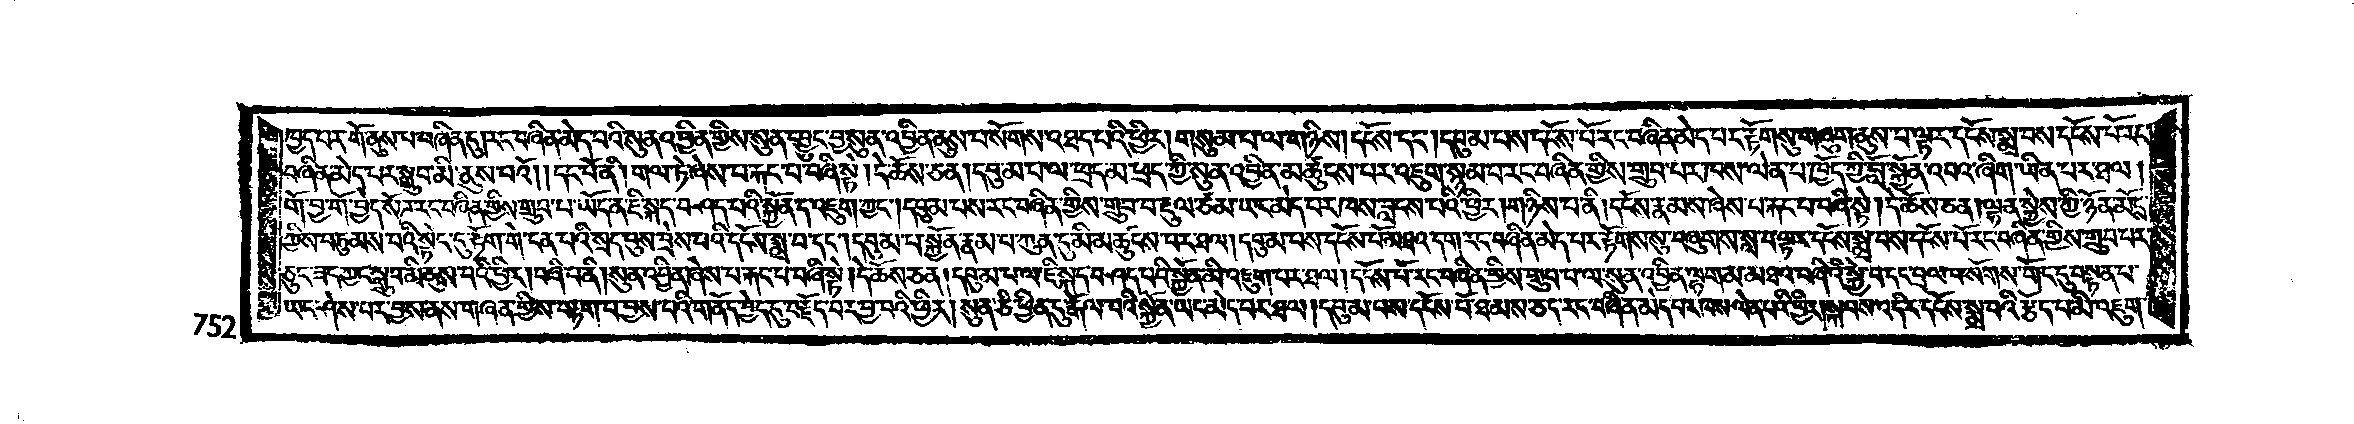ཁྱད་པར་གོ་ནུས་པ་བཞིན་དུ། རང་བཞིན་མེད་པའི་སུན་འབྱིན་གྱིས་སུན་དབྱུང་བྱ་སུན་འབྱིན་ནུས་པ་སོགས་འཐད་པའི་ཕྱིར། གསུམ་པ་ལ་གཉིས། དངོས་དང་། དབུ་མ་པས་དངོས་པོ་རང་བཞིན་མེད་པར་རྟོགས་སུ་གཞུག་ནུས་པ་ལྟར་དངོས་སྨྲ་བས་དངོས་པོ་རང་
བཞིན་མེད་པར་སྒྲུབ་མི་ནུས་པའོ། །དང་པོ་ནི། གལ་ཏེ་ཞེས་པ་རྐང་པ་བཞི་སྟེ། དེ་ཆོས་ཅན། དབུ་མ་པ་ལ་ཕྲད་མ་ཕྲད་ཀྱི་སུན་འབྱིན་མཚུངས་པར་འཇུག་སྙམ་པ་རང་བཞིན་གྱིས་གྲུབ་པར་ཁས་ལེན་པ་ཁྱོད་ཀྱི་བློ་སྐྱོན་འབའ་ཞིག་ཡིན་པར་ཐལ།
གོ་བྱ་གོ་བྱེད་སོགས་རང་བཞིན་གྱིས་གྲུབ་པ་ཡོད་ན་ཇི་སྐད་བཤད་པའི་སྐྱོན་ད་འཇུག་ཀྱང་། དབུ་མ་པས་རང་བཞིན་གྱིས་གྲུབ་པ་རྡུལ་ཙམ་ཡང་མེད་པར་ཁས་བླངས་པའི་ཕྱིར། གཉིས་པ་ནི། དངོས་རྣམས་ཞེས་པ་རྐང་པ་བཞི་སྟེ། དེ་ཆོས་ཅན། ལྷན་སྐྱེས་ཀྱི་ཉོན་མོངས་
ཀྱིས་བཏུམས་པའི་སྟེང་དུ་རྟོག་གེ་ངན་པའི་སྲད་བུས་བྲེས་པའི་དངོས་སྨྲ་བ་དང་། དབུ་མ་པ་སྐྱོན་རྣམ་པ་ཀུན་དུ་མི་མཚུངས་པར་ཐལ། དབུ་མ་པས་དངོས་པོ་མཐའ་དག་རང་བཞིན་མེད་པར་རྟོགས་སུ་བཞུགས་སླ་བ་ལྟར་དངོས་སྨྲ་བས་དངོས་པོ་རང་བཞིན་གྱིས་གྲུབ་པར་
ཅུང་ཟད་ཀྱང་སྒྲུབ་མི་ནུས་པའི་ཕྱིར། བཞི་པ་ནི། སུན་འབྱིན་ཞེས་པ་རྐང་པ་བཞི་སྟེ། དེ་ཆོས་ཅན། དབུ་མ་པ་ལ་ཇི་སྐད་བཤད་པའི་སྐྱོན་མི་འཇུག་པར་ཐལ། དངོས་པོ་རང་བཞིན་གྱིས་གྲུབ་པ་ལ་སུན་འབྱིན་ལྷག་མ་མཐའ་བཞིའི་སྐྱེ་བ་དང་བྲལ་བ་སོགས་གོང་དུ་བསྟན་པ་
ཡང་ཤེས་པར་བྱས་ནས་གཞན་གྱིས་བརྟག་པ་བྱས་པའི་གནོད་བྱེད་དུ་བརྗོད་པར་བྱ་བའི་ཕྱིར། སུན་ཅི་ཕྱིན་དུ་རྒོལ་བའི་སྐྱོན་ཡང་མེད་པར་ཐལ། དབུ་མ་པས་དངོས་པོ་ཐམས་ཅད་རང་བཞིན་མེད་པར་ཁས་ལེན་པའི་ཕྱིར། སྐབས་འདིར་དངོས་སྨྲ་བའི་རྩོད་པ་མི་འཇུག་